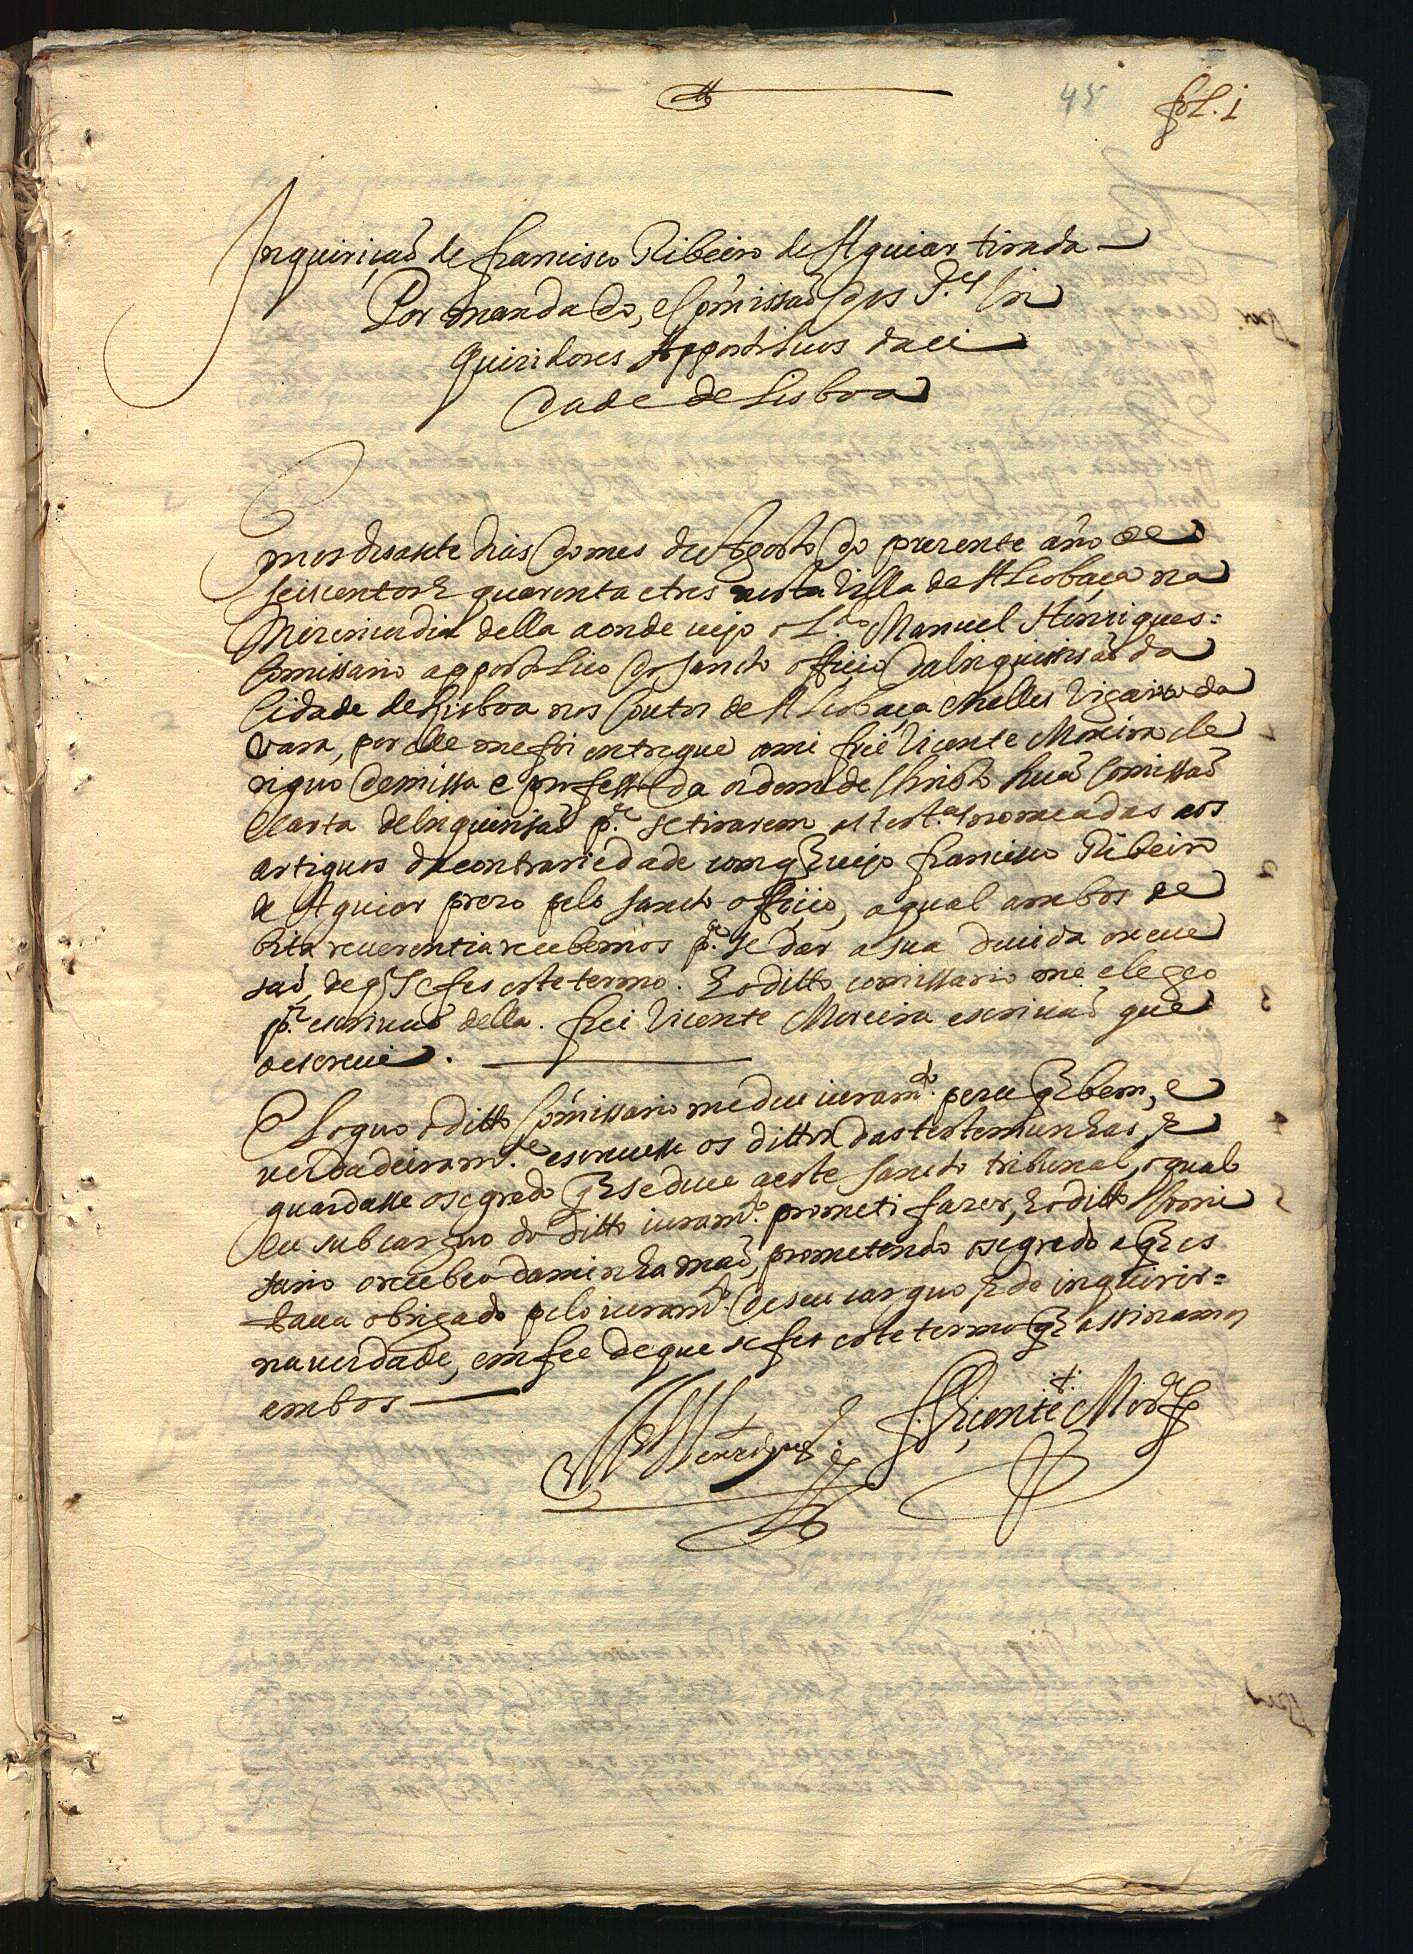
fol. i
Jnquiriçaõ de francisco Ribeiro de Aguiar tirada -
Por mandado, e Com̄issaõ dos S.res In
quizidores Appostolicos da ci
dade de Lisboa
Em os desasete dias do mes de Agosto do prezente an̄o de
seiscentos E quarenta e tres nesta villa de Alcobaça na
Mizericordia della aonde uejo o L.do Manuel Henriques
Comissario appostolico do Sancto offiçio da Inquissisaõ da
Cidade de Lisboa nos Coutos de Alcobaça e nelles vigairo da
vara, por elle me foi entregue a mi frei Vicente Moreira cle
riguo de missa e Confessor da ordem de Christo huā Comissaõ
e carta de Inquisisaõ p.a se tirarem as test.as nomeadas aos
artiguos da contrariedade com q̄ uejo francisco Ribeiro
de Aguiar prezo pelo sancto offiçio, o qual ambos de
vita reuerentia recebemos p.a se dar a sua deuida execu
saõ, de q̄ se fes este termo. E o ditto comissario me elegeo
p.a escriuaõ della. frei Vicente Moreira escriuaõ que
o escreui.
E loguo o ditto Com̄issario me deu iuramto. pera q̄ bem, e
uerdadeiram.te escreuesse os dittos das testemunhas, E
guardasse o segredo q̄ se deue a este sancto tribunal, o qual
eu sub carguo do ditto iuram.to prometi fazer, E o ditto Comi
sario o recebeo da minha maõ, prometendo o segredo e q̄ es
taua obrigado pelo iuramto. de seu carguo, E de inquirir
na uerdade, em fee de que se fez este termo q̄ assinamos
ambos
